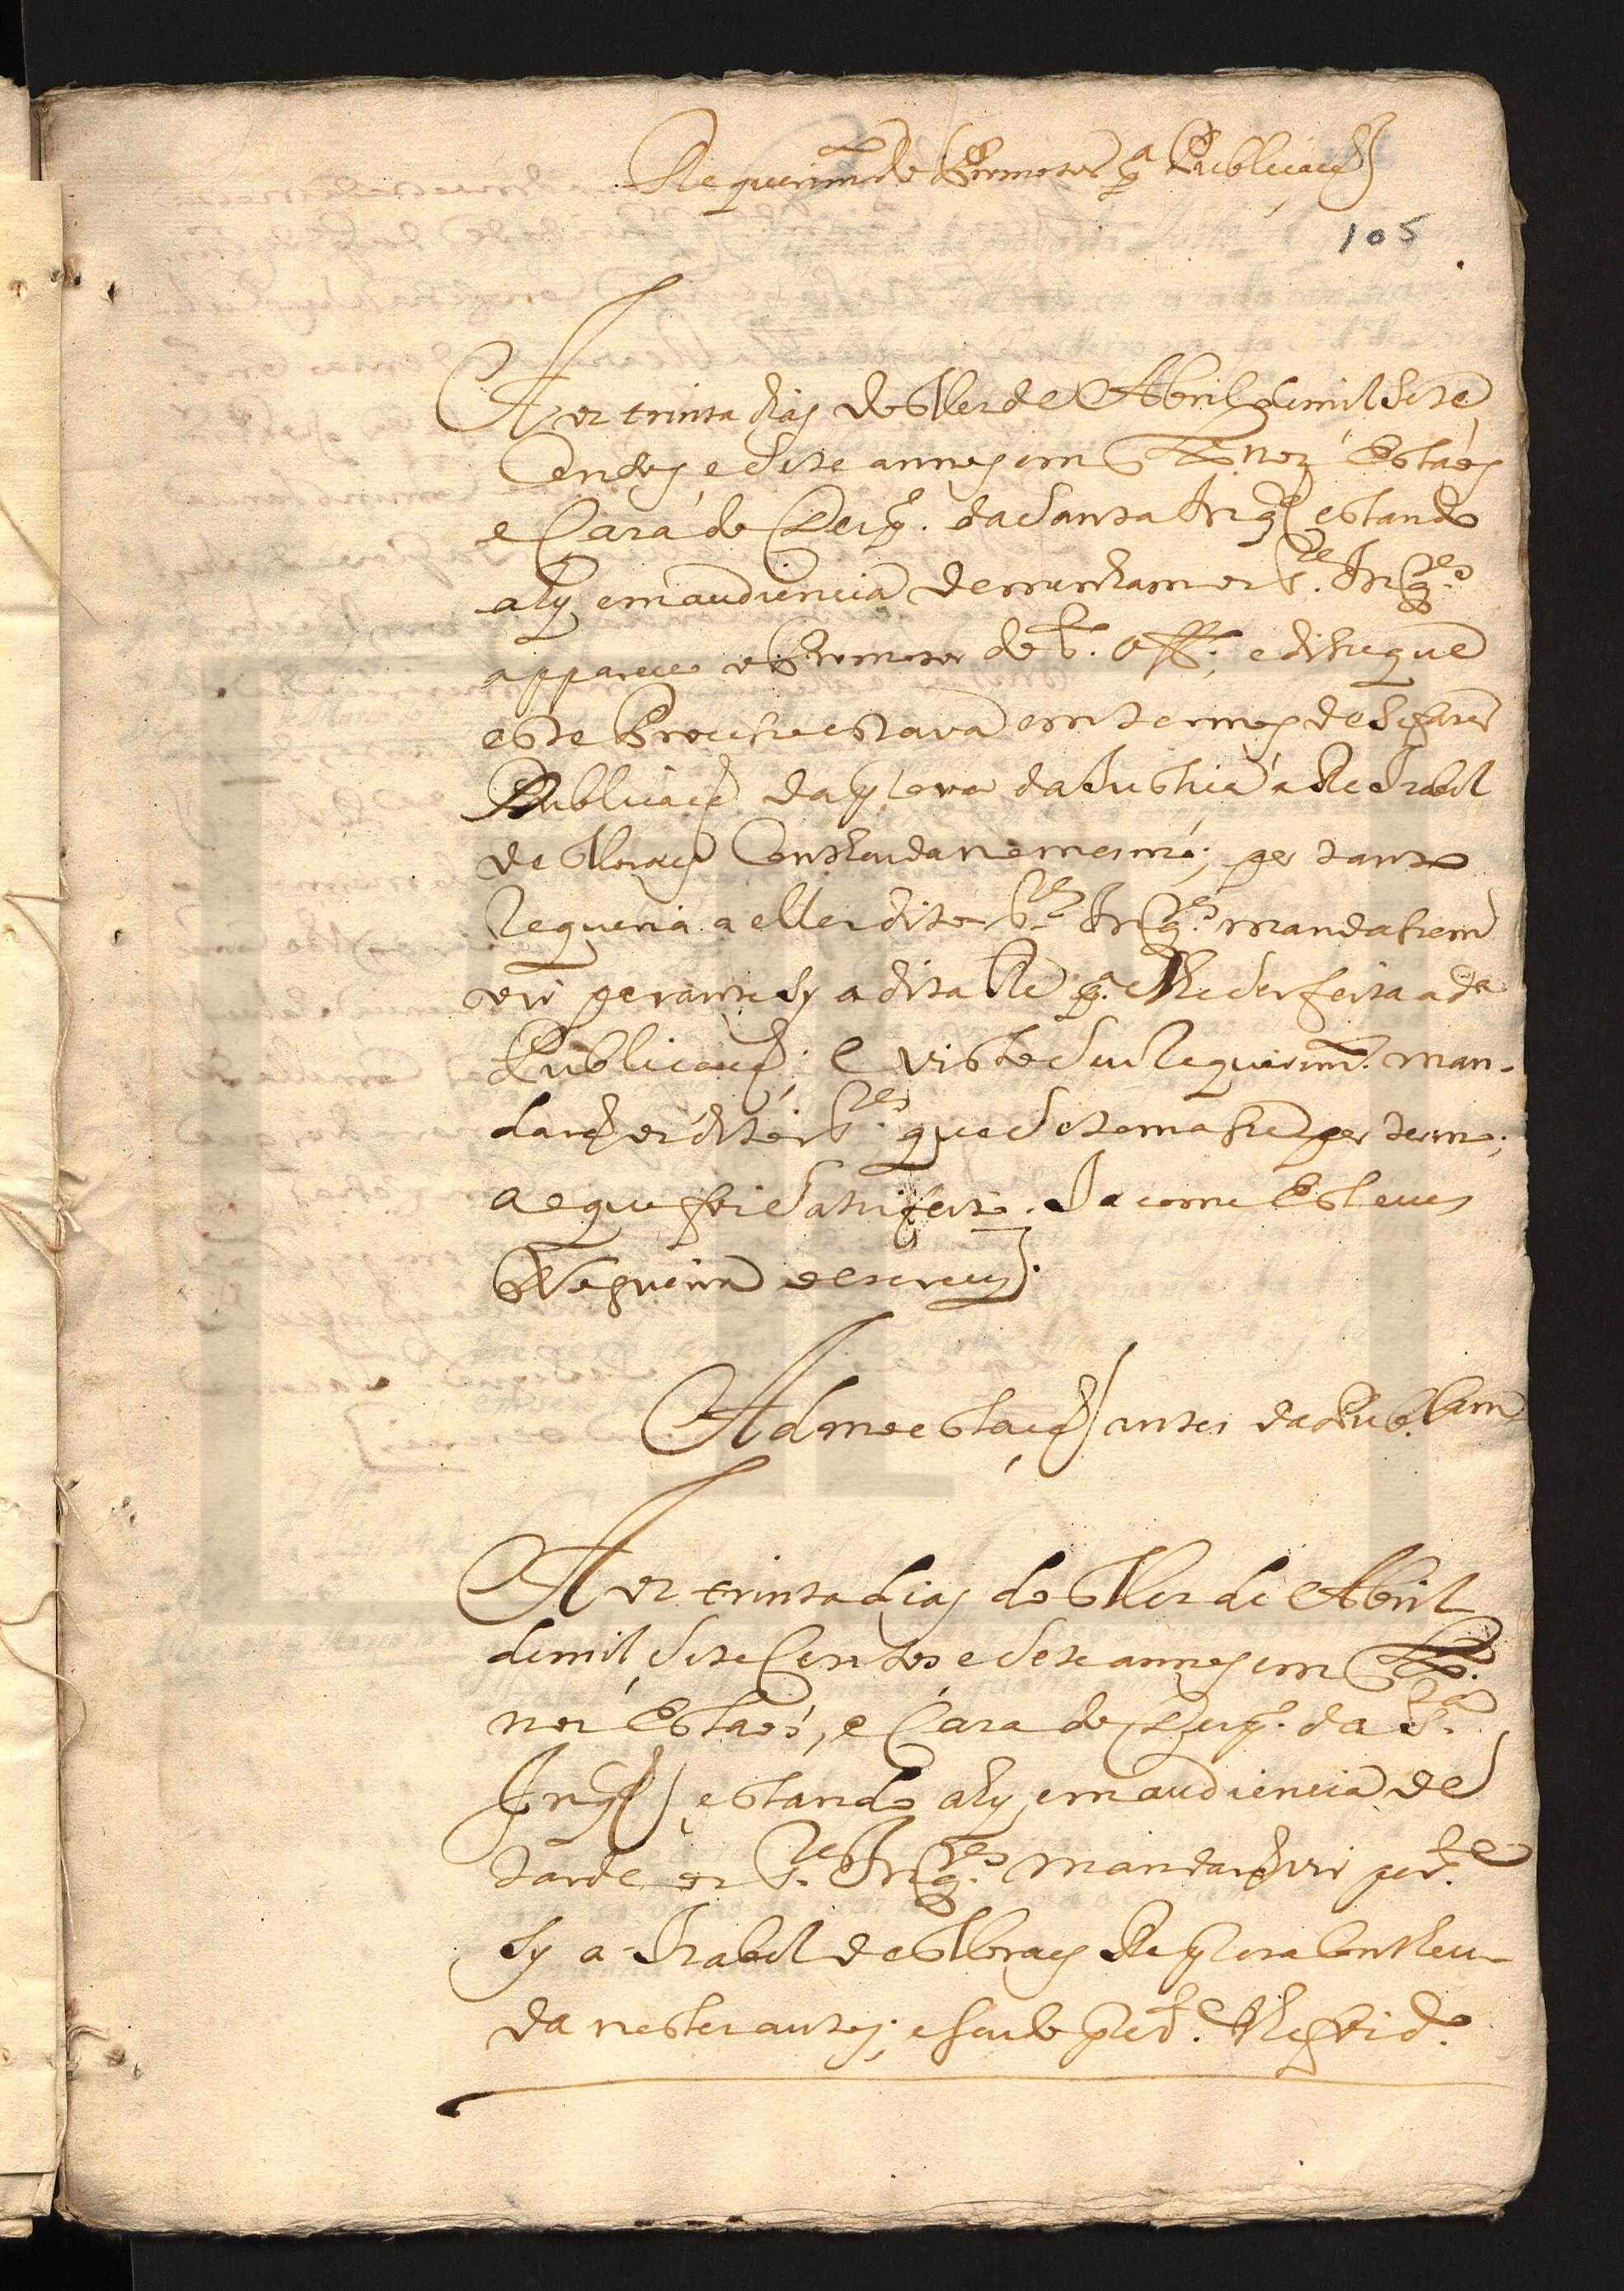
Requerimto do Promotor p.a Publicaçaõ
Aos trinta dias do Mez de Abril de mil sete
Centos, e sete annos em Lxa nos Estaos
e Caza do Desp.o da Santa Inq.caõ estando
ahy em audiencia de menham os s.res Inq.res
appareceo o Promotor do s.to Off.o, e disse que
este Processo estava em termos de se fazer
Publicaçaõ da prova da Justiça à Re Izabel
de Moraes Contheuda no mesmo; per tanto
Requeria a elles ditos s.res Inq.res mandassem
vir perante sy a dita Re p.a lhe ser feita a d.a
Publicaçaõ, e visto Seu Requerim.to man
daraõ os ditos s.res que se tomasse por termo;
ao que foi satisfeito. Iacome Esteues
Nogueira o escreuj
Admoestaçaõ antes da Pub.Cam
Aos trinta dias do Mez de Abril
de mil, seteCentos e sete annos em Lx.a
nos Estaós, e Caza do Desp.o da s.ta
Jnq.caõ, estando ahy em audiencia de
tarde os s.res Inq.res mandaraõ vir per.te
sy a Izabel de Moraes Re preza Contheu
da nestes autos; e sendo pRez.te lhe foi d.o
